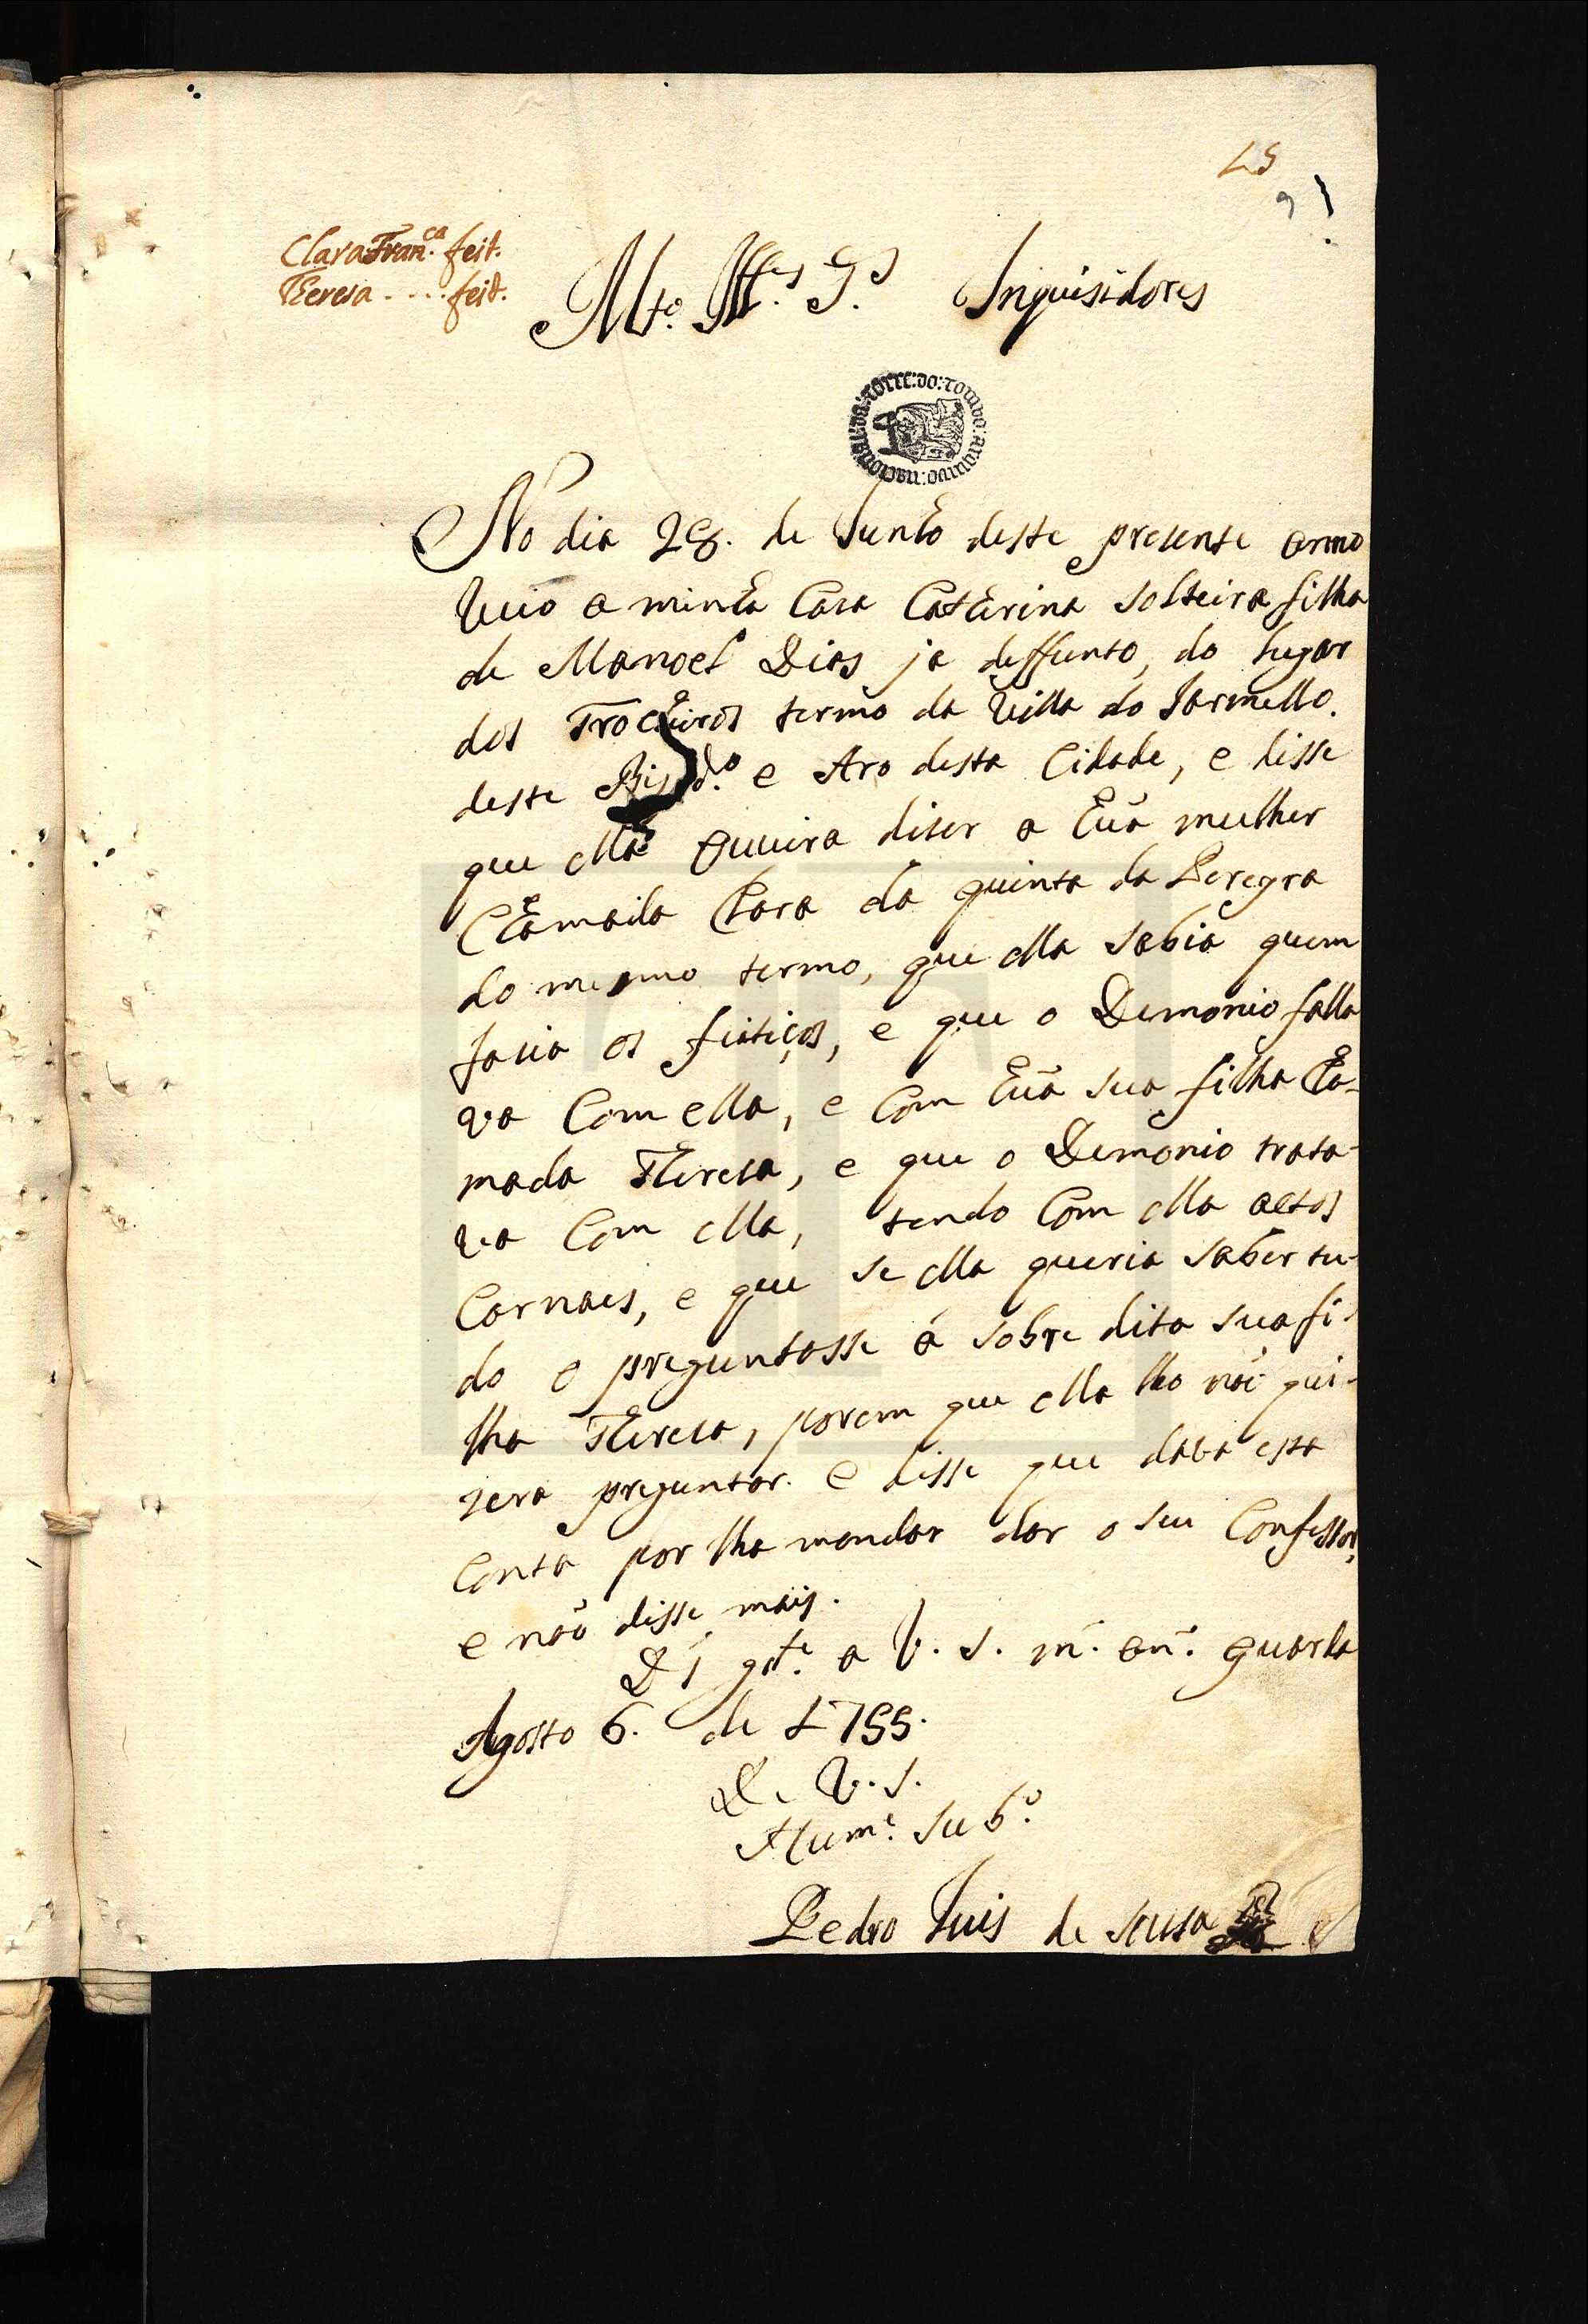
Clara Fran.ca feit.
Theresa . . . . feit.
Mt.o Ill̄.es S.es Inquisidores
No dia 28. de Iunho deste presente anno
Veio a minha Caza Catherina solteira filha
de Manoel Dias ja deffunto, do lugar
dos Trocheiros termo da villa do Iarmello.
deste Bis_d.o e Aro desta Cidade, e disse
que ella Ouuira dizer a huā mulher
Chamada Clara da quinta da Pereyra
do mesmo termo, que ella sabia quem
fazia os feitiços, e que o Demonio falla
va Com ella, e Com huā sua filha cha
mada Thereza, e que o Demonio trata
va Com ella, tendo Com ella actos
Carnaes, e que se ella queria saber tu
do o preguntasse á sobredita sua fi
lha Thereza, porem que ella lho naõ qui
zera preguntar. e disse que dava esta
Conta por lha mandar dar o seu Confessor,
e naõ disse mais.
Ds̄ gd.e a V. s. m.̄ an.̄ Guarda
Agosto 6. de 1755.
De V. S.
Hum.e sub.o
